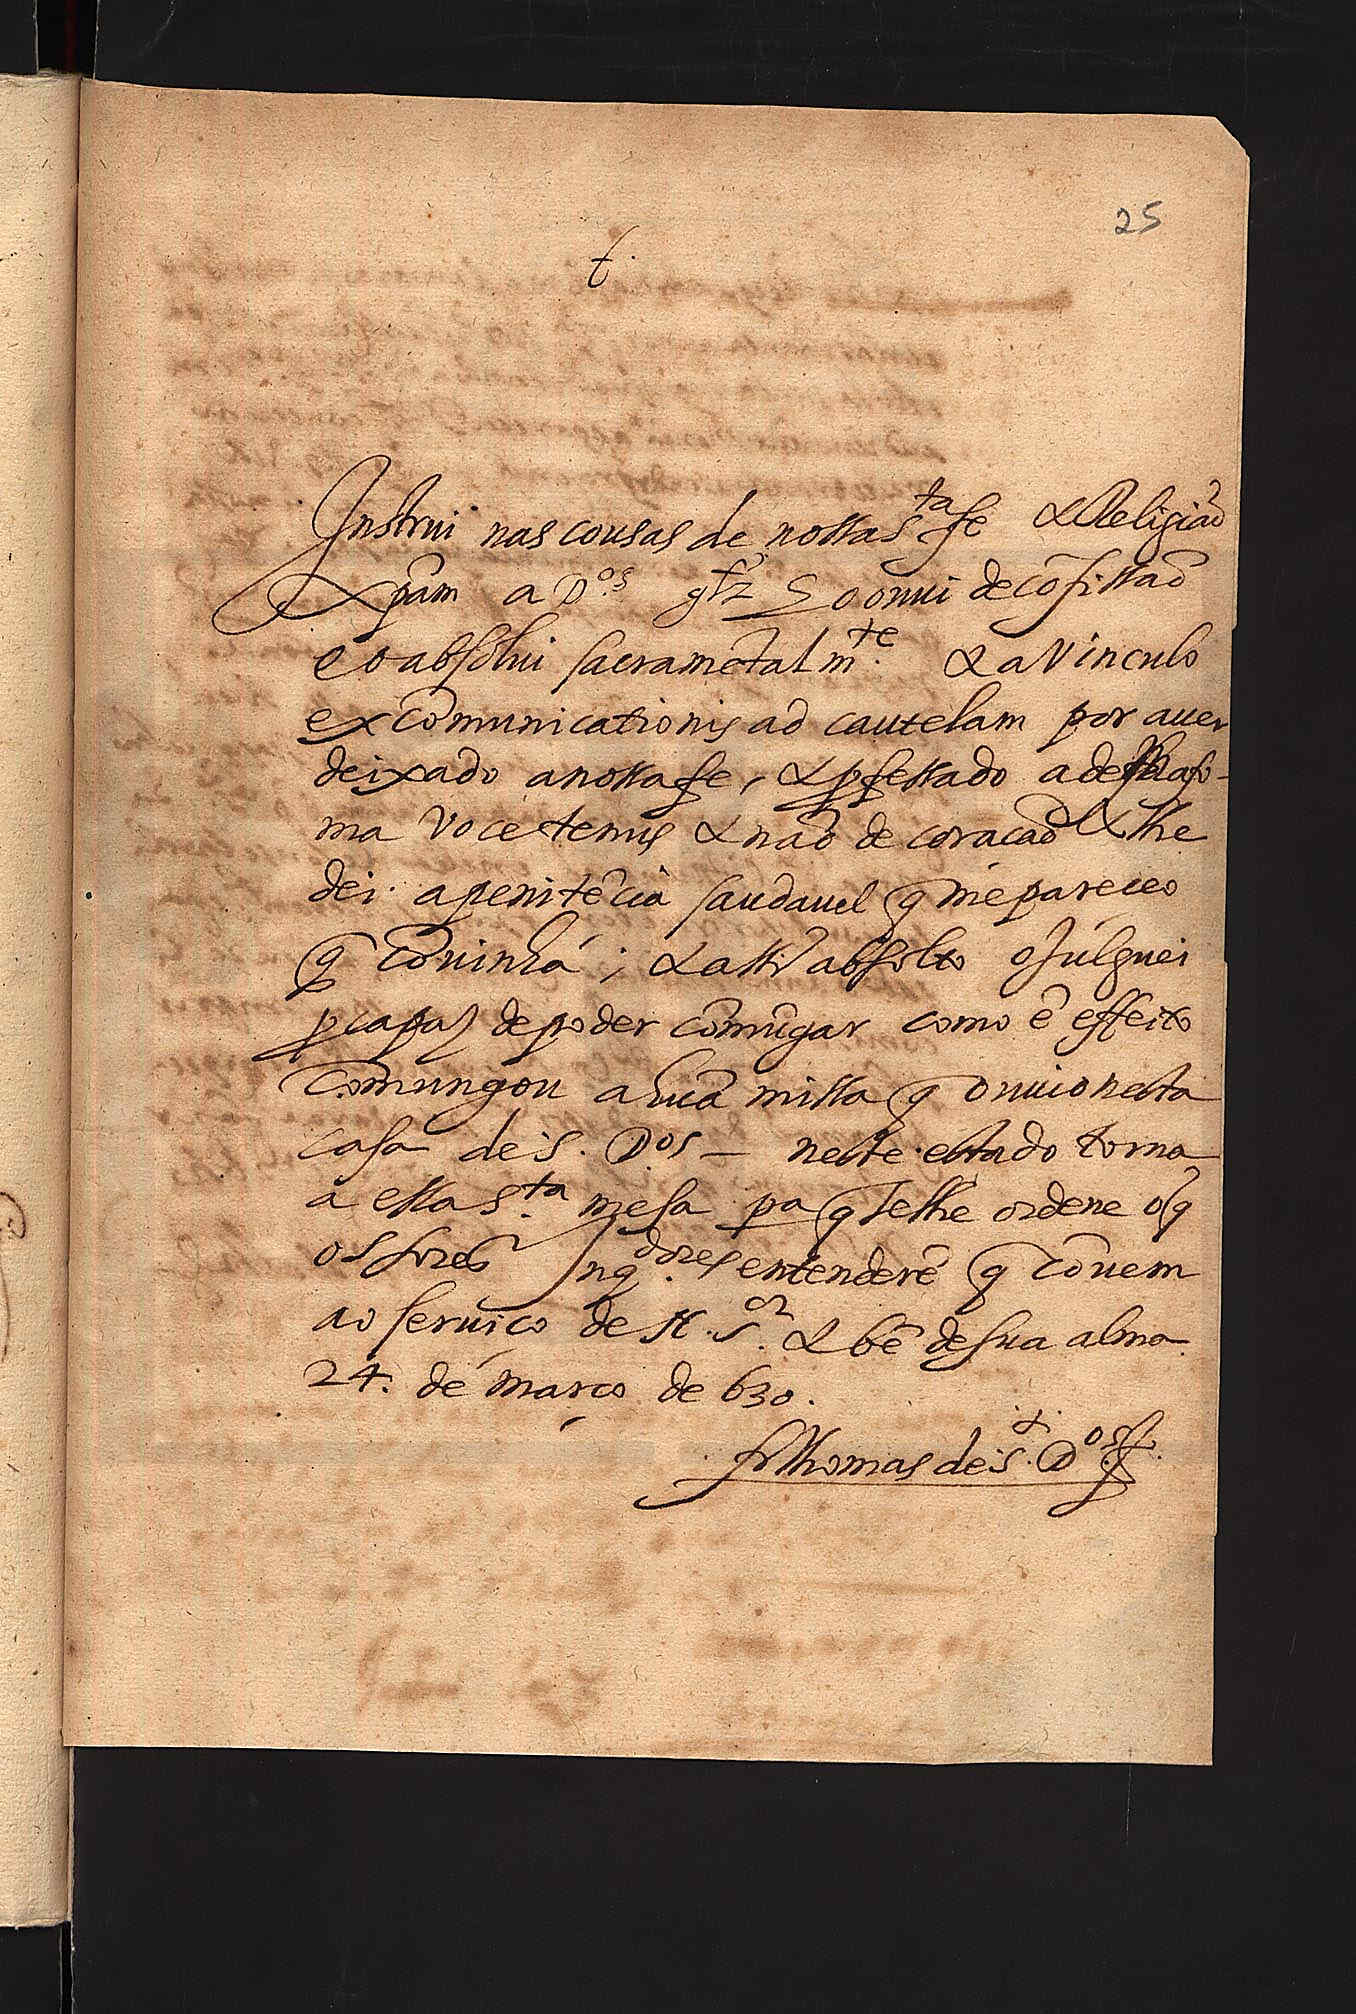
Jnstrui nas cousas de nossa sta fe & Religiaõ
Xpām a D.os gl̄z E o ouui de cōfissaõ
e o absolui sacramētalm.te & a vinculo
excōmunicationis ad cautelam por auer
deixado a nossa fe, & ꝓfessado a de Mafo
ma voce temis & naõ de coraçaõ & lhe
dei a penitēcia saudauel q̄ me pareceo
q̄ cōuinha; & assī absolto o Julguei
ꝓ capaz de poder cōmūgar como ē effeito
c̄omungou a huā missa q̄ ouuio nesta
casa de .S. D.os - neste estado torna
a essa s.ta mesa ꝑa q̄ se lhe ordene o q̄
os sores̄ Jnq.dores entenderē q̄ cōuem
ao seruiço de N. S.or & bē de sua alma
24. de março de 630.
Fr thomas de .S. D.os
